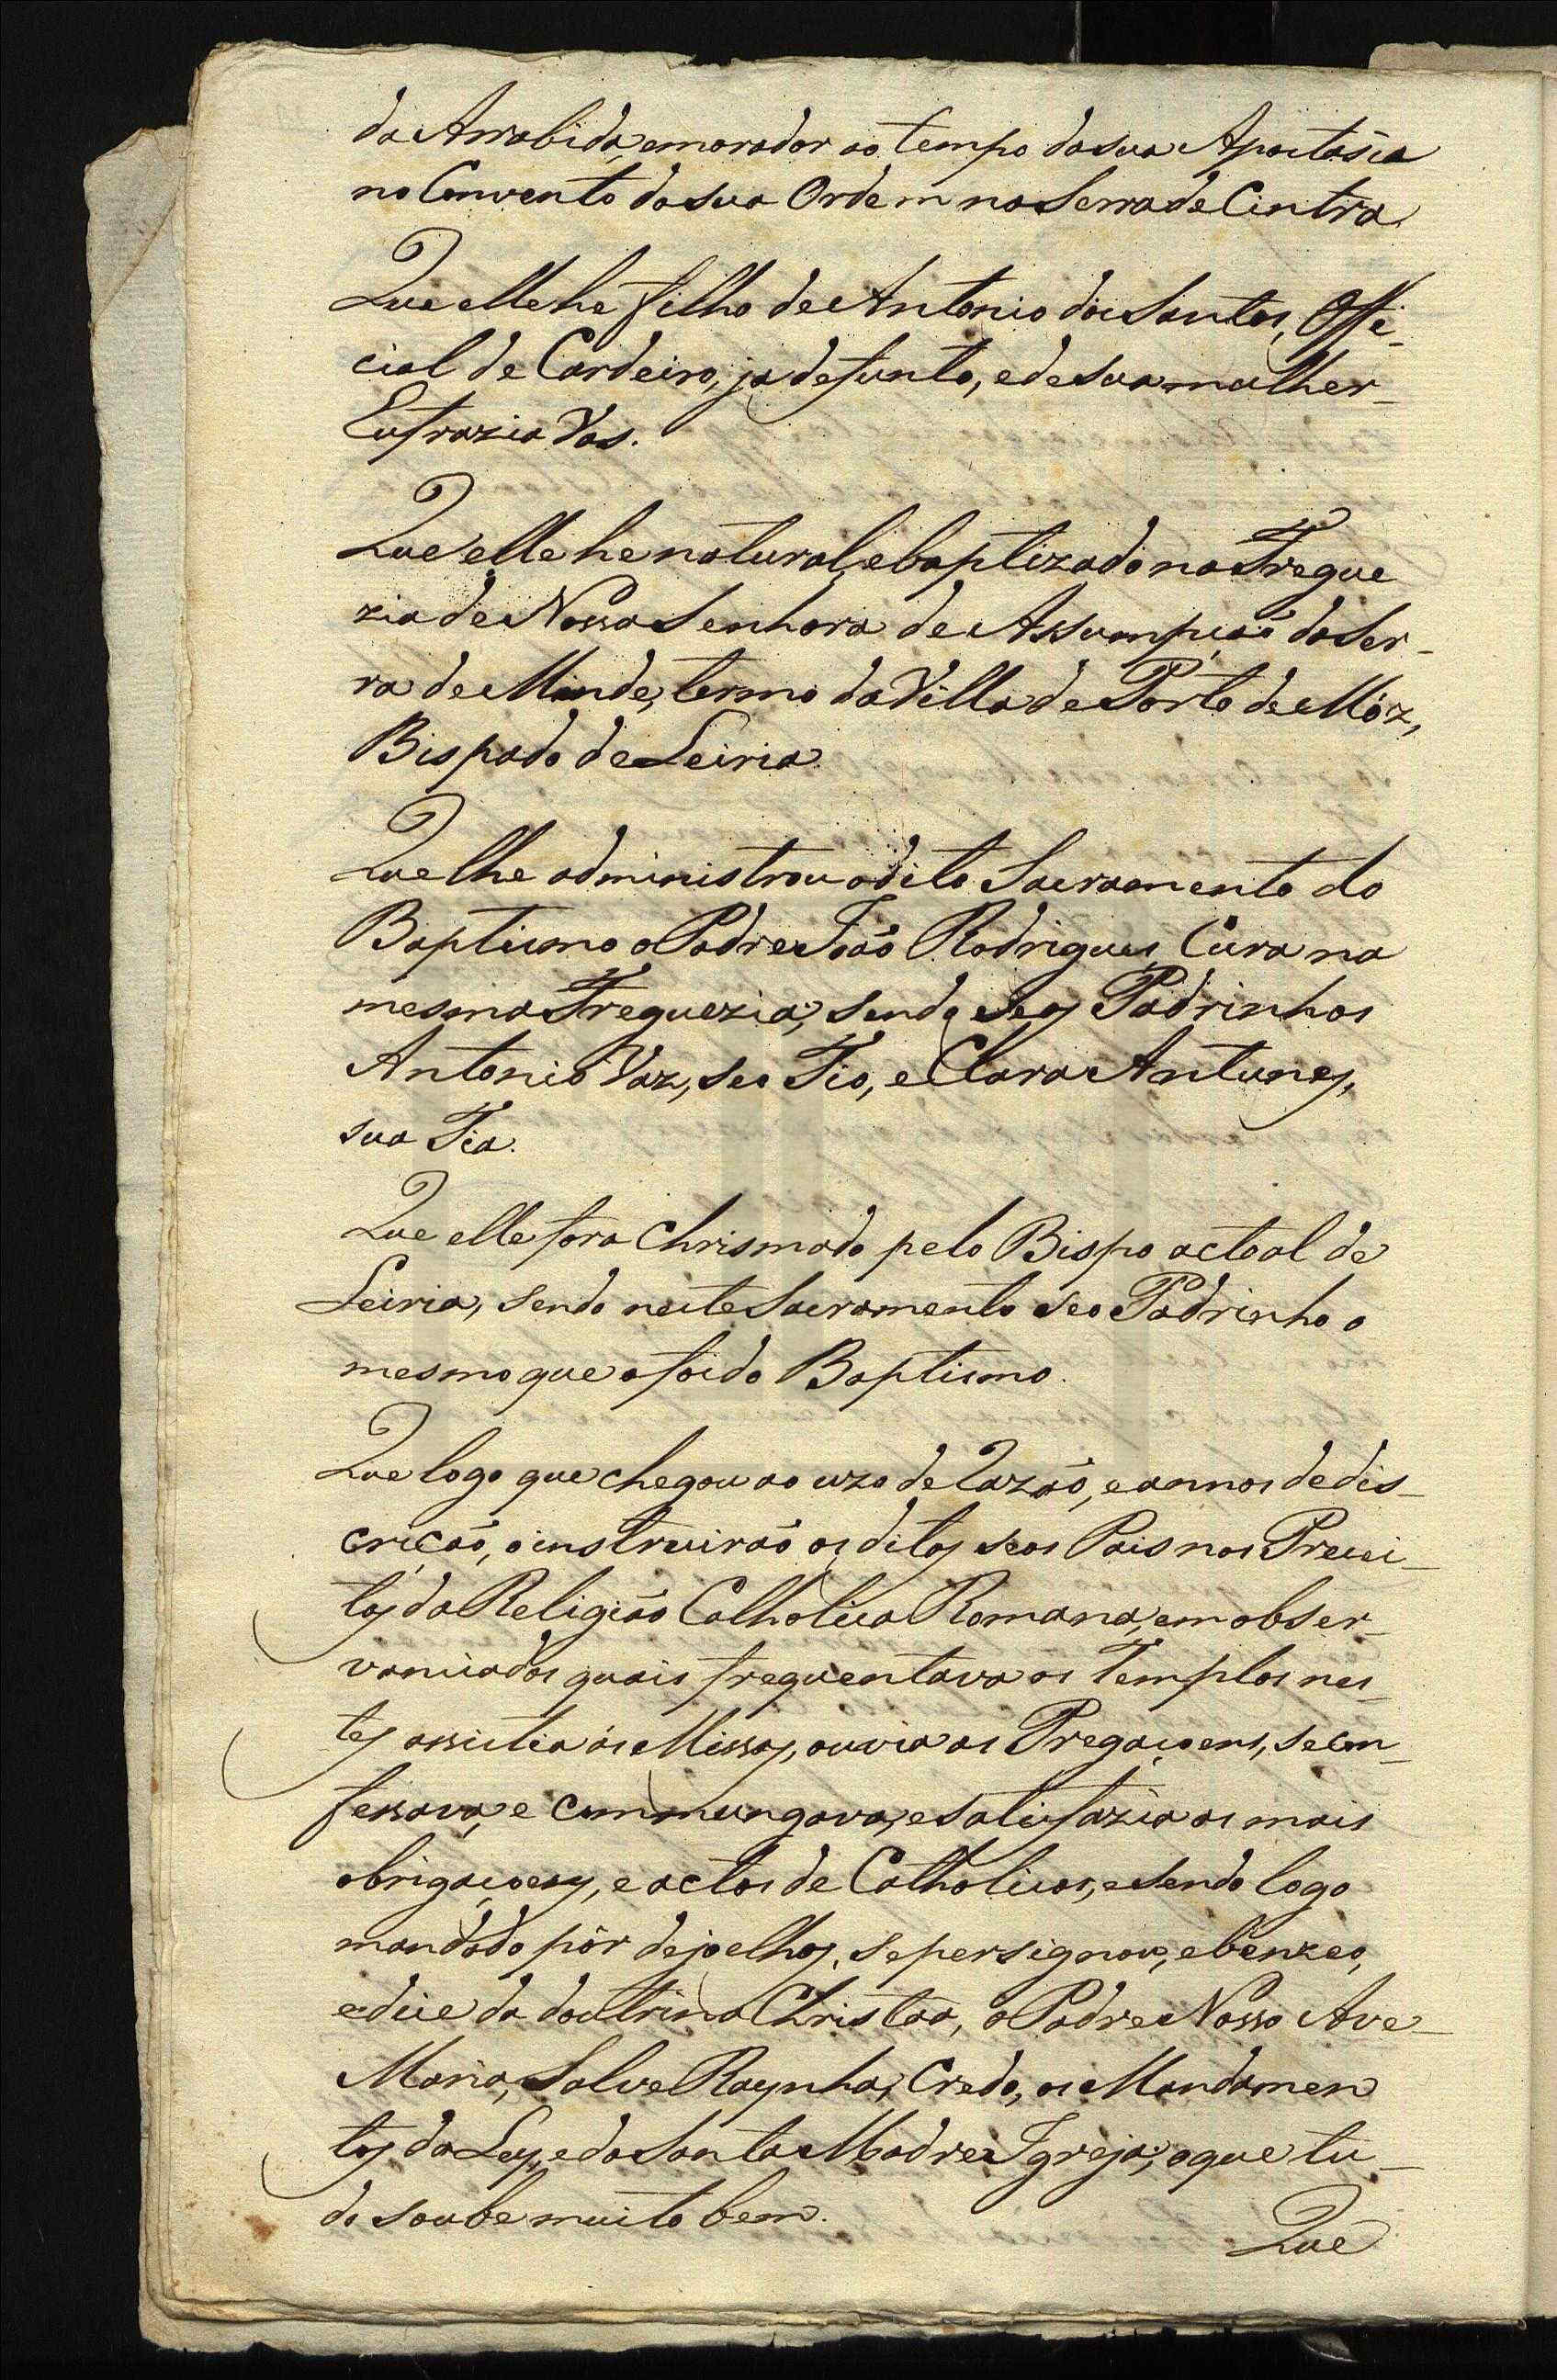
da Arrabida e morador ao tempo da sua Apostasia
no Convento da sua Ordem na Serra de Cintra
Que elle he filho de Antonio dos Santos, Offe
cial de Cordeiro, ja defunto, e de sua mulher
Eufrasia Vas.
Que elle he natural baptizado na Fregue
zia de Nossa Senhora de Assumpçaõ da Ser
ra de Minde, termo da Villa de Porto de Móz,
Bispado de Leiria.
Que lhe administrou o dito Sacramento do
Baptismo o Padre Joaõ Rodrigues Cura na
mesma Freguezia; sendo seos Padrinhos
Antonio Vaz, seo Tio, e Clara Antunes,
sua Tia.
Que elle fora chrismado pelo Bispo actoal de
Leiria, sendo neste Juramento seo Padrinho o
mesmo que o foi do Baptismo.
Que logo que chegou ao uzo de razaõ, e annos de dis
criçaõ, o instruiraõ os ditos seos Pais nos Precei
tos da Religiaõ Catholica Romana, em obser
vancia dos quais frequentava os Templos nes
tes assistia ás Missas, ouvia as Pregaçoens, se con
fessava e commungava, e satisfazia as mais
obrigaçoens, e actos de Catholicos, e sendo logo
mandado pôr de joelhos, se persignava, e benzeo,
e dice da doctrina Christaã, o Padre Nosso Ave
Maria, Salve Raynha, Credo, os Mandamen
tos da Ley, e da Santa Madre Igreja; o que tu
do soube muito bem.
